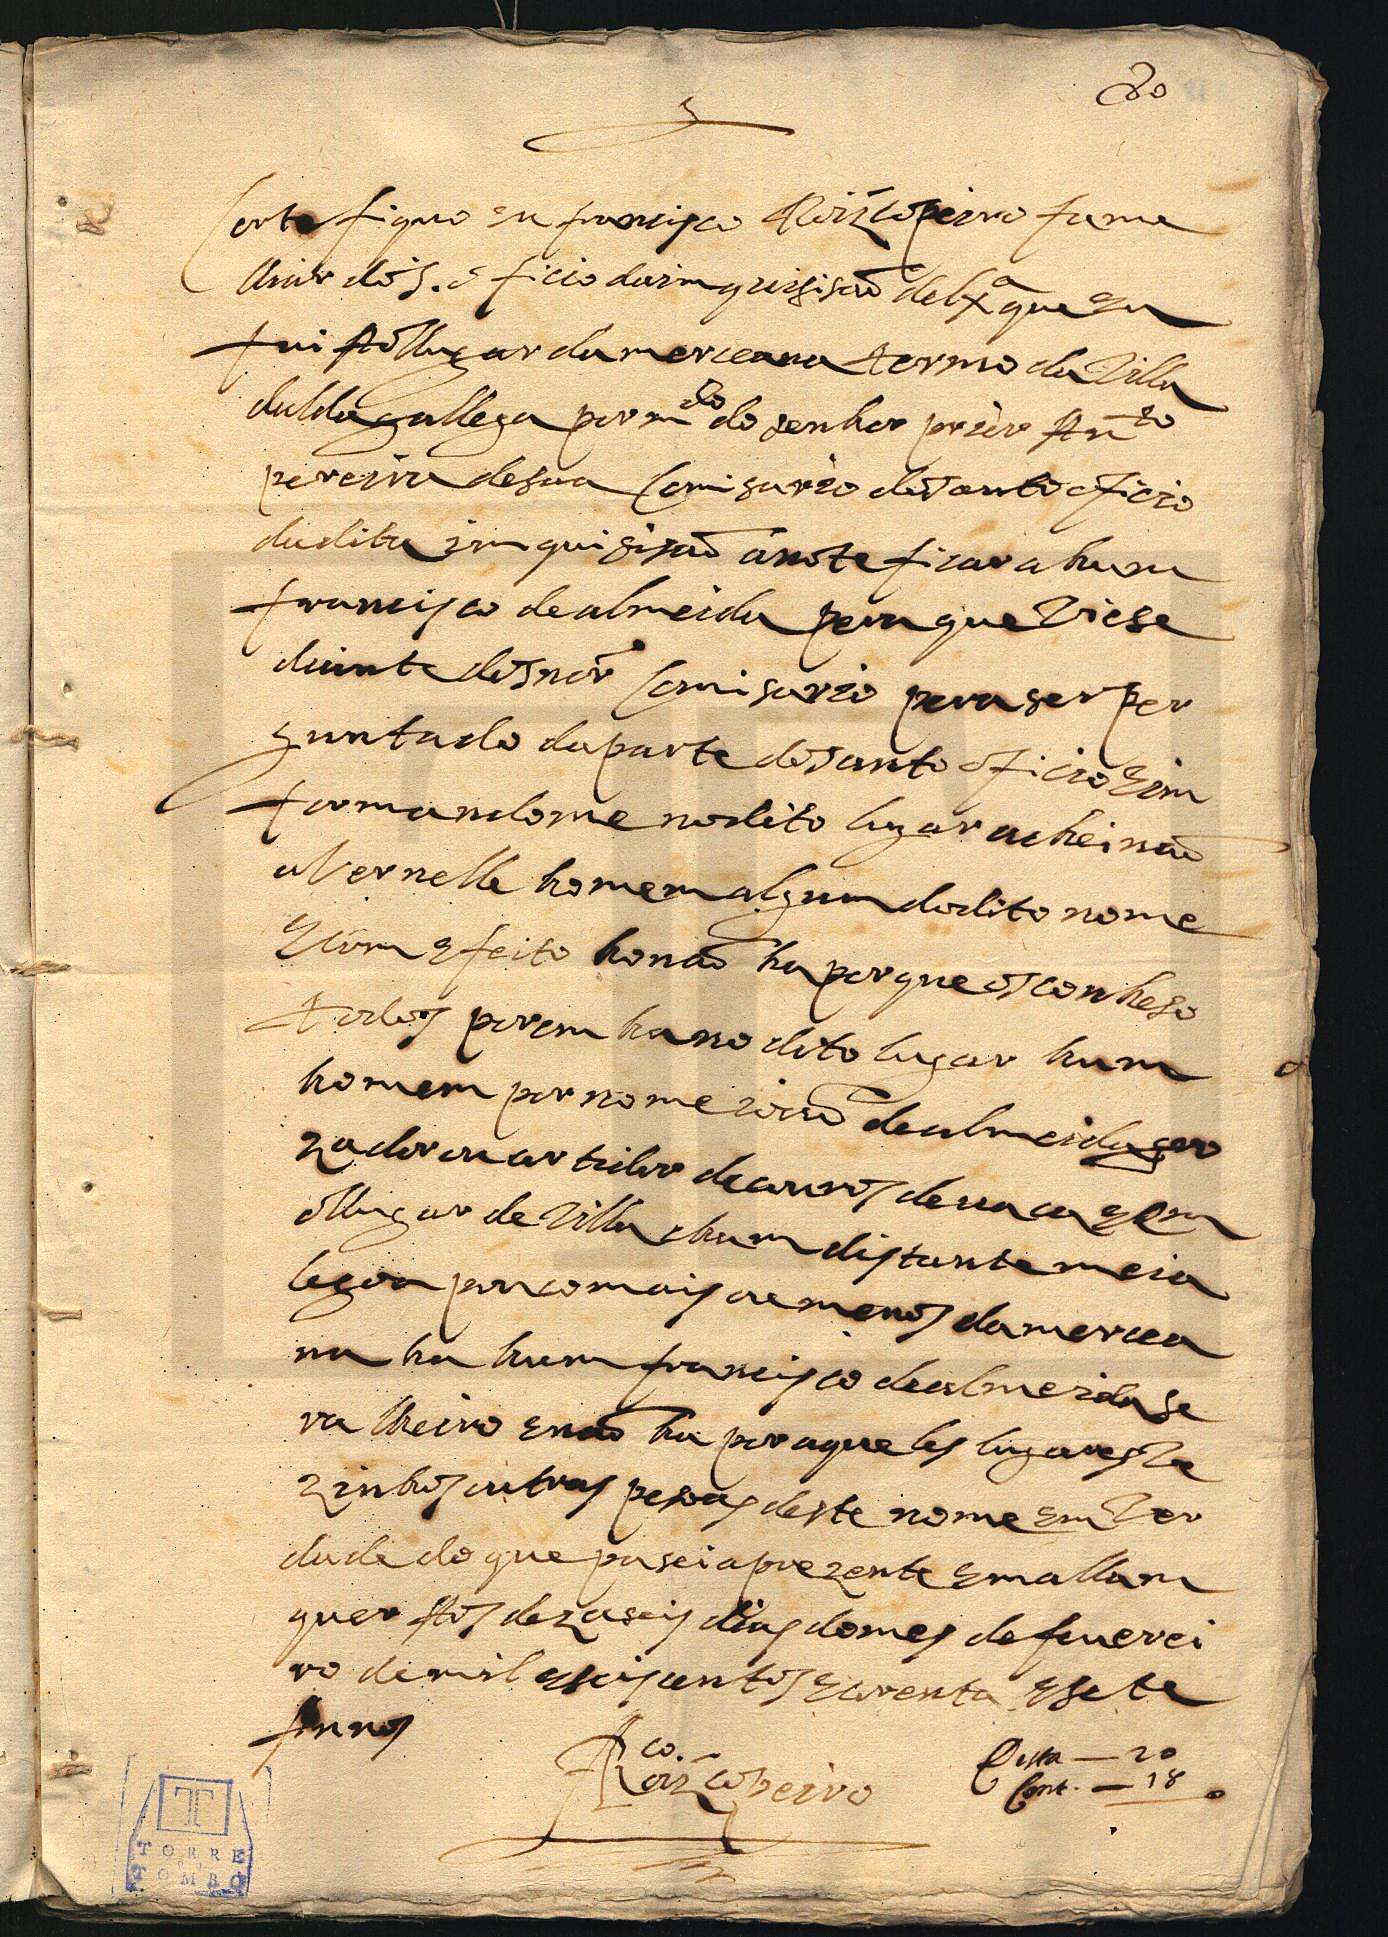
80
Certefiquo Eu francisco Roiz̄ copeiro fame
lliar do S. oficio da imquisisão de lxa que Eu
fui Ao llugar da merceana termo da Villa
daldea gallega por mdo do senhor prior Anto
pereira de saa Comisario do santo oficio
da dita imquisisão a noteficar a hum
francisco de almeida pera que viese
diante de snor̄ Comisario pera ser per
guntado da parte do santo oficio E im
formandome no dito lugar achei naõ
aver nelle homem algum do dito nome
E com Efeito ho não ha porque os conheso
todos porem ha no dito lugar hum
homem por nome ioaõ de almeida gro
zador ou cortidor de couros de uaca E em
o llugar de Villa cham distante meia
legoa pouco mais ou menos da mercea
na ha hum francisco de almeida se
ralheiro E naõ ha por aqueles lugares Ve
zinhos outras pesoas deste nome em Ver
dade do que pasei a prezente Em allam
quer Aos dezaseis dias do mes de feuerei
ro de mil E seiscentos E corenta E sete
Annos
fco Roiz copeiro
Desta – 20
Cont. – 18
